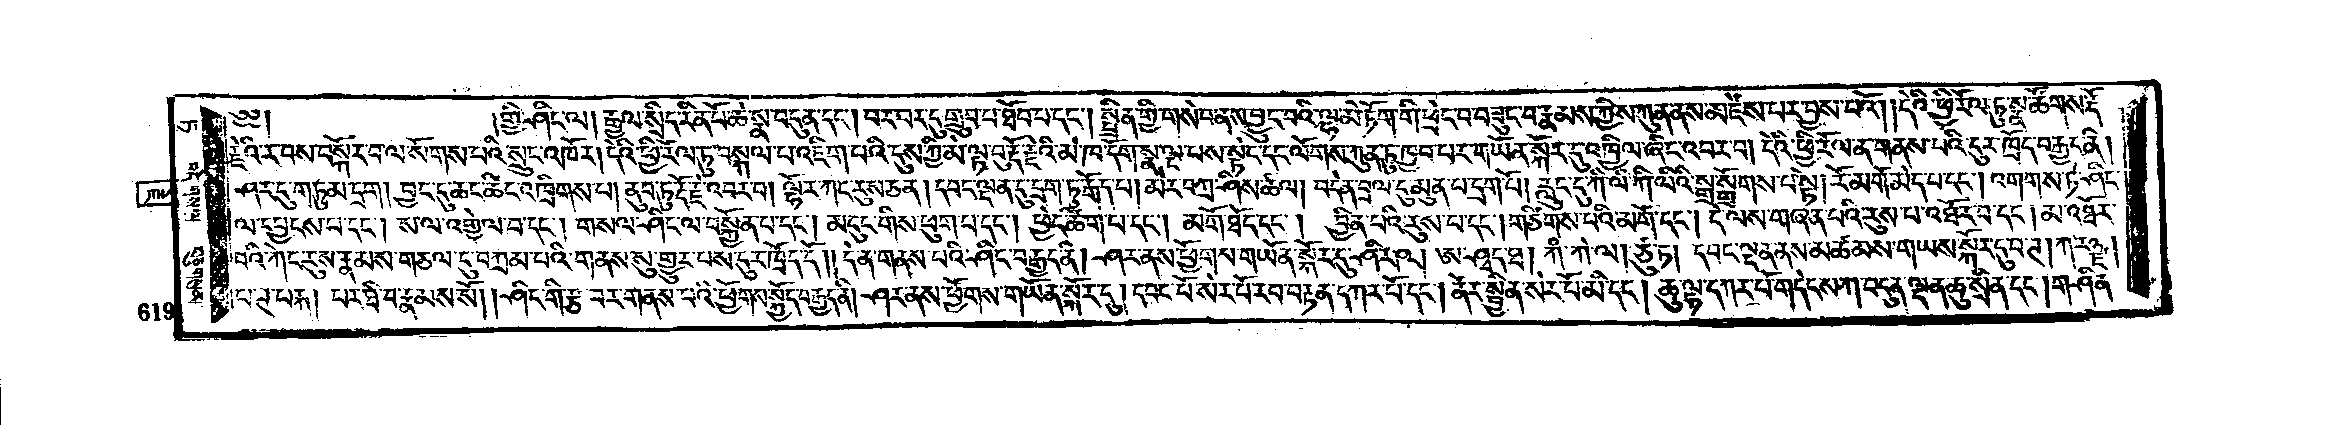༄༅། །གྱི་ཤིང་ལ། རྒྱལ་སྲིད་རིན་པོ་ཆེ་སྣ་བདུན་དང་། བར་བར་དུ་གྲུབ་པ་ཐོབ་པ་དང་། སྤྲིན་གྱི་གསེབ་ནས་བྱུང་བའི་ལྷ་མེ་ཏོག་གི་ཕྲེང་བ་བཟུང་བ་རྣམས་ཀྱིས་ཀུན་ནས་མཛེས་པར་བྱས་པའོ། །དེའི་ཕྱི་རོལ་ཏུ་སྣ་ཚོགས་རྡོ་
རྗེའི་ར་བས་བསྐོར་བ་ལ་སོགས་པའི་སྲུང་འཁོར། དེའི་ཕྱི་རོལ་ཏུ་བསྐལ་པ་འཇིག་པའི་དུས་ཀྱི་མེ་ལྟ་བུ་རྡོ་རྗེའི་མེ་ཁ་དོག་སྣ་ལྔ་པས་སྟེང་དང་ལོགས་ཀུན་ཏུ་ཁྱབ་པར་གཡོན་སྐོར་དུ་འཁྱིལ་ཞིང་འབར་བ། དེའི་ཕྱི་རོལ་ན་གནས་པའི་དུར་ཁྲོད་བརྒྱད་ནི། ཤར་དུ་གཏུམ་དྲག །བྱང་དུ་ཆང་ཚིང་འཁྲིགས་པ། ནུབ་ཏུ་རྡོ་རྗེ་འབར་བ། ལྷོར་ཀང་རུས་ཅན། དབང་ལྡན་དུ་དྲག་ཏུ་རྒོད་པ། མེར་བཀྲ་ཤིས་ཚལ། བདེན་བྲལ་དུ་མུན་པ་དྲག་པོ། རླུང་དུ་ཀི་ལི་ཀི་ལིའི་སྒྲ་སྒྲོགས་པ་སྟེ། རོ་མགོ་མེད་པ་དང་། འགགས་ཏེ་ཤིང་
ལ་དཔྱངས་པ་དང་། ས་ལ་འགྱེལ་བ་དང་། གསལ་ཤིང་ལ་བསྐྱོན་པ་དང་། མདུང་གིས་ཕུག་པ་དང་། ཕྱེད་ཚིག་པ་དང་། མགོ་ཐོད་དང་། བྱིན་པའི་རུས་པ་དང་། གཙིགས་པའི་མགོ་དང་། དེ་ལས་གཞན་པའི་རུས་པ་འཐོར་བ་དང་། མ་འཐོར་
བའི་ཀང་རུས་རྣམས་གཅལ་དུ་བཀྲམ་པའི་གནས་སུ་གྱུར་པས་དུར་ཁྲོད་དོ། །དེ་ན་གནས་པའི་ཤིང་བརྒྱད་ནི། ཤར་ནས་ཕྱོགས་གཡོན་སྐོར་དུ་ཤིར་ཥ། ཨ་ཤྭད་ཐ། ཀཾ་ཀེ་ལ། ཙུ་ཏ། དབང་ལྡན་ནས་མཚམས་གཡས་སྐོར་དུ་བ་ཊ། ཀ་རཉྫ།
པ་ཊ་པརྐ། པར་ཐི་བ་རྣམས་སོ། །ཤིང་གི་རྩ་བར་གནས་པའི་ཕྱོགས་སྐྱོད་བརྒྱད་ནི། ཤར་ནས་ཕྱོགས་གཡོན་སྐོར་དུ། དབང་པོ་སེར་པོ་རབ་བརྟན་དཀར་པོ་དང་། ནོར་སྦྱིན་སེར་པོ་མི་དང་། ཆུ་ལྷ་དཀར་པོ་གདེངས་ཀ་བདུན་ལྡན་ཆུ་སྲིན་དང་། གཤིན་